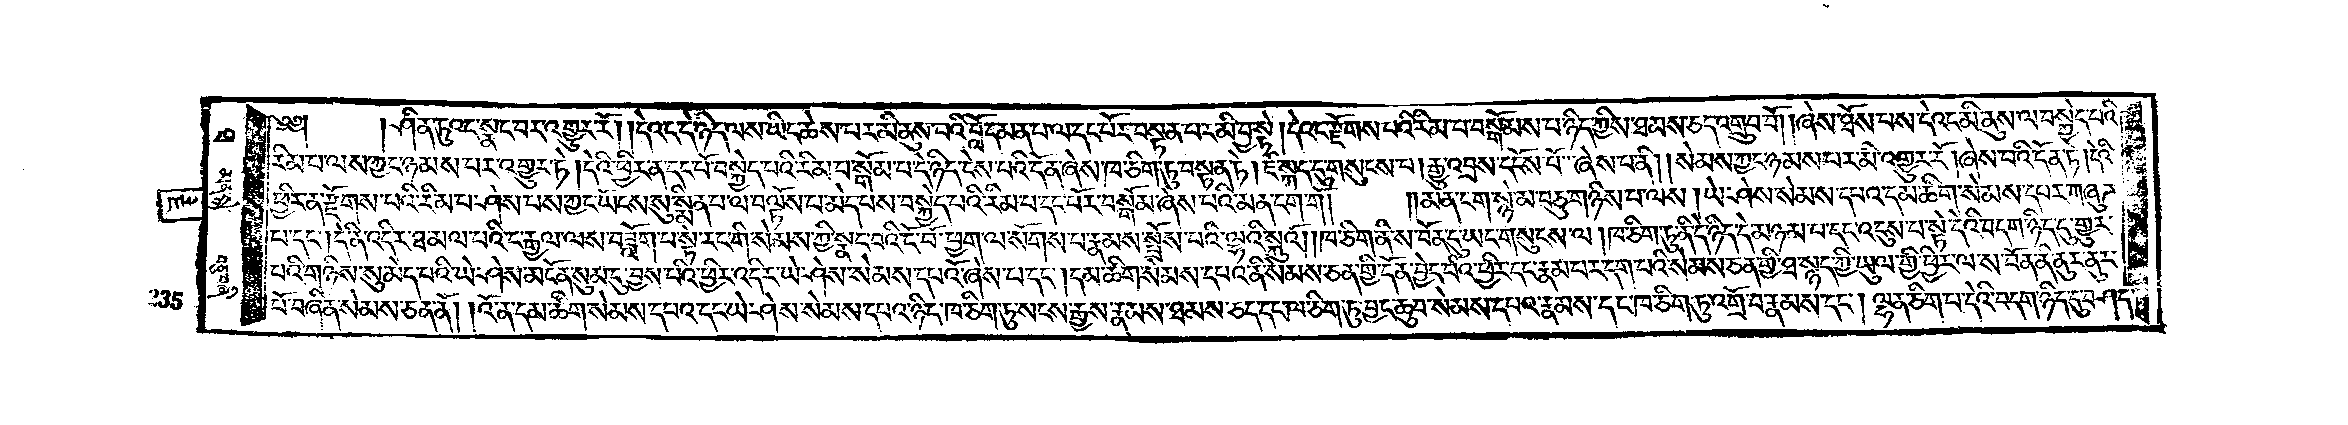༄༅། །ཤིན་ཏུའང་སྣང་བར་འགྱུར་རོ། །དེའང་དེ་ཉིད་ལས་ཡིད་ཆེས་པར་མི་ནུས་པའི་བློ་དམན་པ་ལ་དང་པོར་བསྟན་པར་མི་བྱ་སྟེ། དེའང་རྫོགས་པའི་རིམ་པ་བསྒོམས་པ་ཉིད་ཀྱིས་ཐམས་ཅད་འགྲུབ་བོ། །ཞེས་ཐོས་པས་དེའང་མི་ནུས་ལ་བསྐྱེད་པའི་
རིམ་པ་ལས་ཀྱང་ཉམས་པར་འགྱུར་ཏེ། དེའི་ཕྱིར་ན་དང་པོ་བསྐྱེད་པའི་རིམ་པ་སྒོམ་པ་དེ་ཉིད་ངེས་པའི་དོན་ཞེས་ཁ་ཅིག་ཏུ་བསྟན་ཏེ། ཇི་སྐད་དུ་གསུངས་པ། རྒྱུ་འབྲས་དངོས་པོ་ཞེས་པ་ནི། །སེམས་ཀྱང་ཉམས་པར་མི་འགྱུར་རོ། ཞེས་པའི་དོན་ཏེ། དེའི་
ཕྱིར་ན་རྫོགས་པའི་རིམ་པ་ཤེས་པས་ཀྱང་ཡོངས་སུ་སྨིན་པ་ལ་བལྟོས་པ་མེད་པས་བསྐྱེད་པའི་རིམ་པ་དང་པོར་བསྒོམ་ཞེས་པའི་མན་ངག་གོ། །།མན་ངག་སྙེ་མ་བཅུ་གཉིས་པ་ལས། ཡེ་ཤེས་སེམས་དཔའ་དམ་ཚིག་སེམས་དཔར་གཞུགས་
པ་དང་། དེ་ནི་འདིར་ཐ་མལ་པའི་ང་རྒྱལ་ལས་བཟློག་པ་སྟེ་རང་གི་སེམས་ཀྱི་སྣང་བའི་ངོ་བོ་ཕྱག་ལ་སོགས་པ་རྣམས་སྤྲོས་པའི་ལྷའི་སྐུའོ། །ཁ་ཅིག་ནི་ས་བོན་དུ་ཡང་གསུངས་ལ། ཁ་ཅིག་ཏུ་ནི་དེ་ཉིད་དེ་མཉམ་པ་དང་འདུས་པ་སྟེ་དེའི་བདག་ཉིད་དུ་གྱུར་
པའི་གཉིས་སུ་མེད་པའི་ཡེ་ཤེས་མངོན་སུམ་དུ་བྱས་པའི་ཕྱིར་འདིར་ཡེ་ཤེས་སེམས་དཔའོ་ཞེས་པ་དང་། དམ་ཚིག་སེམས་དཔའ་ནི་སེམས་ཅན་གྱི་དོན་བྱེད་པའི་ཕྱིར་དང་རྣམ་པར་དག་པའི་སེམས་ཅན་གྱི་ཐ་སྙད་ཀྱི་ཡུལ་གྱི་ཕྱིར་ལ་ས་བོན་ནི་ནུར་ནུར་
པོ་བཞིན་སེམས་ཅན་ནོ། །འོ་ན་དམ་ཚིག་སེམས་དཔའ་དང་ཡེ་ཤེས་སེམས་དཔའ་ཉིད་ཁ་ཅིག་ཏུ་སངས་རྒྱས་རྣམས་ཐམས་ཅད་དང་ཁ་ཅིག་ཏུ་བྱང་ཆུབ་སེམས་དཔའ་རྣམས་དང་ཁ་ཅིག་ཏུ་འགྲོ་བ་རྣམས་དང་། ལྷན་ཅིག་པ་དེའི་བདག་ཉིད་དུ་བཤད་